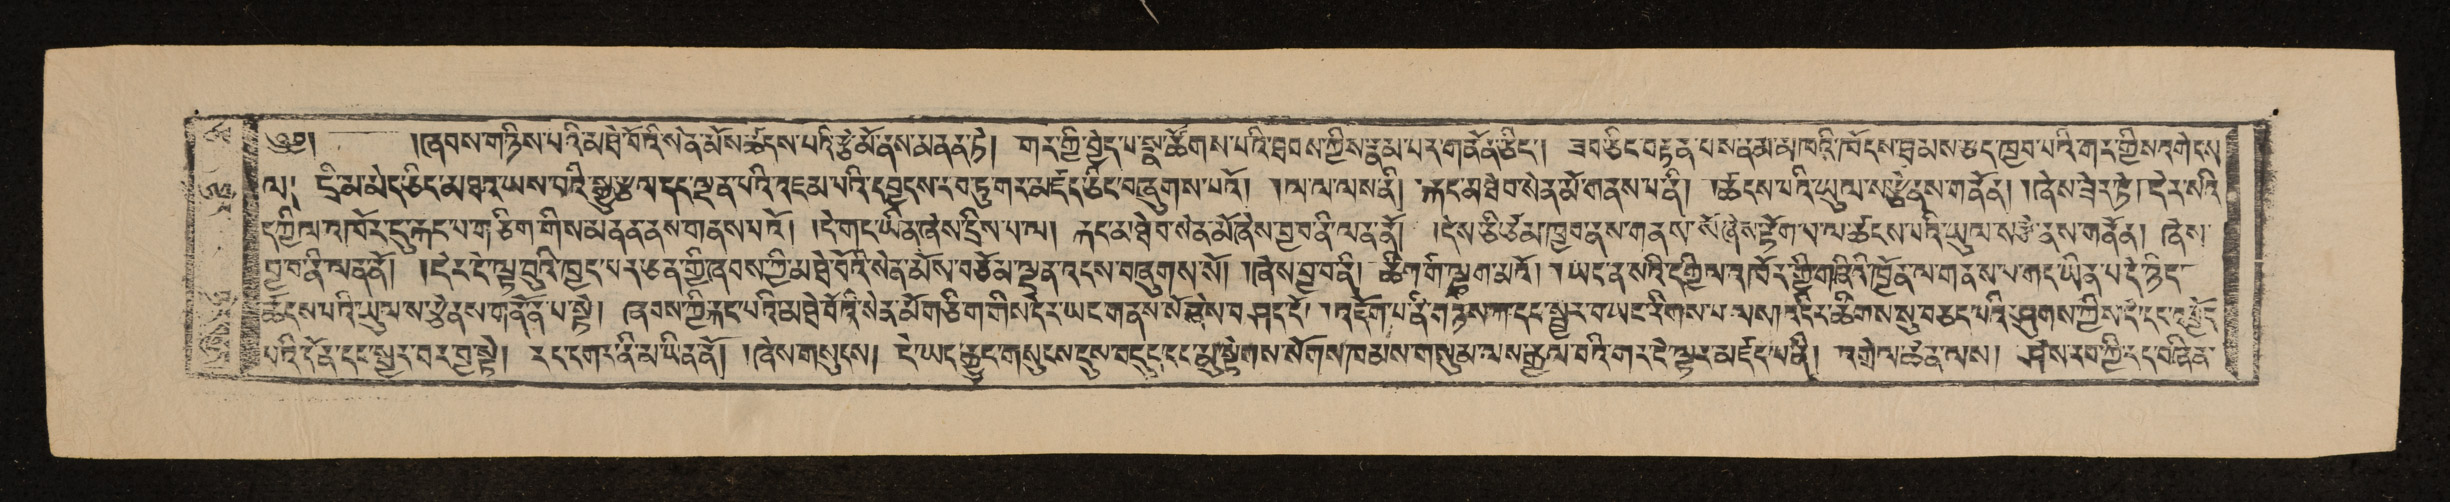༄༅། །ཞབས་གཉིས་པའི་མཐེ་བོའི་སེན་མོས་ཚངས་པའི་རྩེ་མོ་ནས་མནན་ཏེ། གར་གྱི་བྱེད་པ་སྣ་ཚོགས་པའི་ཐབས་ཀྱིས་རྣམ་པར་གནོན་ཅིང་། ཟབ་ཅིང་བརྟན་བས་ནམ་མཁའི་ཁོངས་ཐམས་ཅད་ཁྱབ་པའི་གར་གྱིས་འགེངས་
ལ༑ དྲི་མ་མེད་ཅིང་མཐའ་ཡས་པའི་སྒྱུ་རྩལ་དང་ལྡན་པའི་འཇམ་པའི་དབྱངས་རབ་ཏུ་གར་མཛད་ཅིང་བཞུགས་པའོ། །ལ་ལ་ལས་ནི། རྐང་མཐེབ་སེན་མོ་གནས་པ་ནི། །ཚངས་པའི་ཡུལ་ས་རྩེ་ནས་གནོན། །ཞེས་ཟེར་ཏེ། དེར་སའི་
དཀྱིལ་འཁོར་དུ་རྐང་པ་གཅིག་གིས་མནན་ནས་གནས་པའོ། །དེ་གང་ཡིན་ཞེས་དྲིས་པ་ལ། རྐང་མཐེབ་སེན་མོ་ཞེས་བྱ་བ་ནི་ལན་ནོ། །དེས་ཅི་ཙམ་ཁྱབ་ནས་གནས་སོ་ཞེས་རྟོག་པ་ལ་ཚངས་པའི་ཡུལ་ས་རྩེ་ནས་གནོན། ཞེས་
བྱ་བ་ནི་ལན་ནོ། །དེར་དེ་ལྟ་བུའི་ཁྱད་པར་ཅན་གྱི་ཞབས་ཀྱི་མཐེ་བོའི་སེན་མོས་བཅོམ་ལྡན་འདས་བཞུགས་སོ། །ཞེས་བྱ་བ་ནི། ཚིག་གི་ལྷག་མའོ། །ཡང་ན་སའི་དཀྱིལ་འཁོར་གྱི་གཞིའི་ཁྱོན་ལ་གནས་པ་གང་ཡིན་པ་དེ་ཉིད་
ཚངས་པའི་ཡུལ་ས་རྩེ་ནས་གནོན་པ་སྟེ། ཞབས་ཀྱི་རྐང་པའི་མཐེ་བོའི་སེན་མོ་གཅིག་གིས་དེར་ཡང་གནས་སོ་ཞེས་བཤད་དོ། །འཇོག་པ་ནི་གཉིས་ཀ་དང་སྦྱར་བ་ཡང་རིགས་པ་ལས། འདིར་ཚིགས་སུ་བཅད་པའི་ཤུགས་ཀྱིས་དེ་དང་འབྱོར་
པའི་དོན་དང་སྦྱར་བར་བྱ་སྟེ། རང་དགར་ནི་མ་ཡིན་ནོ། །ཞེས་གསུངས། དེ་ཡང་རྒྱུད་གསུངས་དུས་བདུད་དང་མུ་སྟེགས་སོགས་ཁམས་གསུམ་ལས་རྒྱལ་བའི་གར་དེ་ལྟར་མཛད་པ་ནི། འགྲེལ་ཆེན་ལས། ཤེས་རབ་ཀྱི་རང་བཞིན་